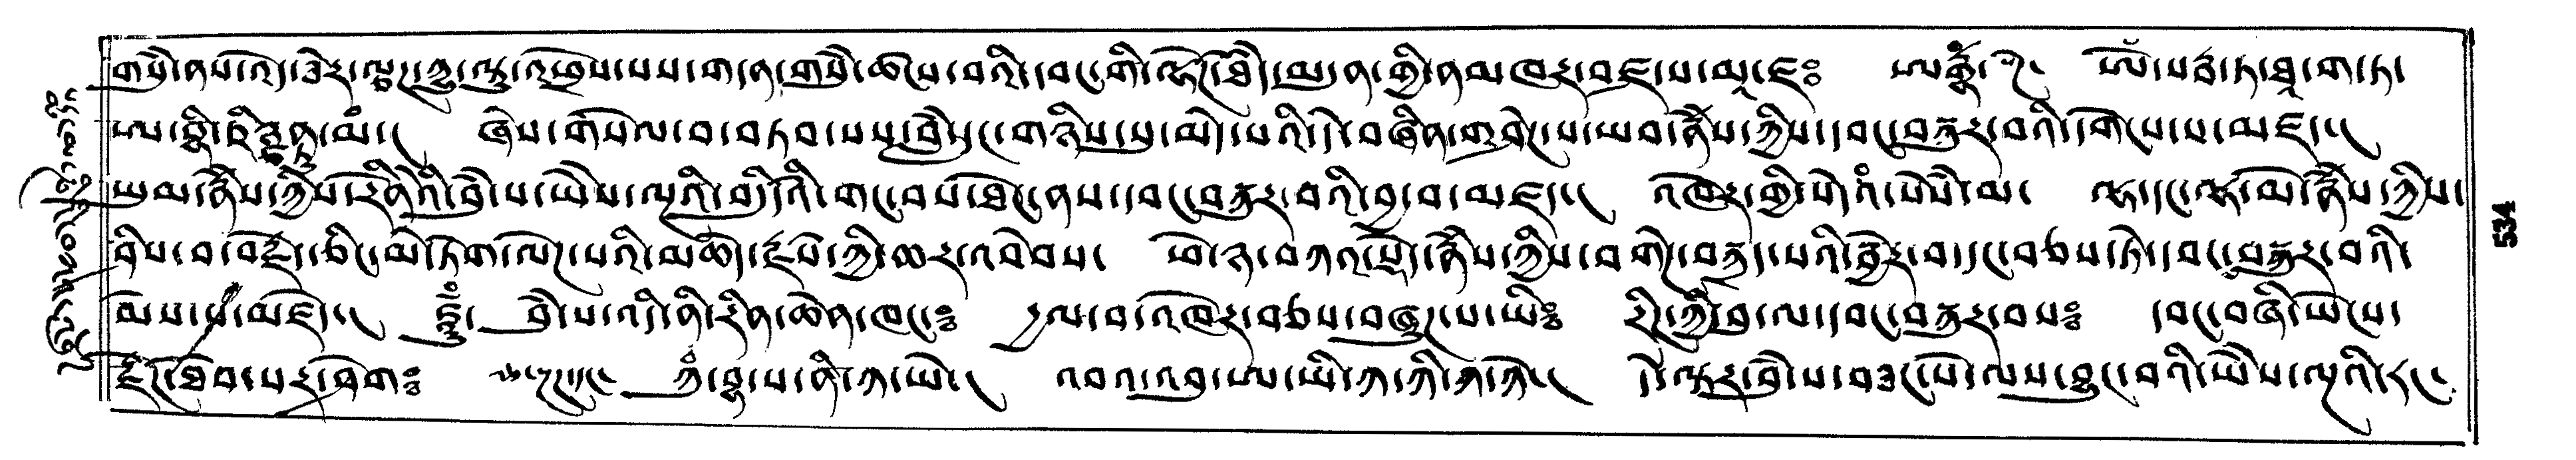གསུམ་ནས་འོད་ཟེར་ལྕགས་ཀྱུ་ལྟ་བུ་འཕྲོས་པས་གདན་གསུམ་ཚང་བའི་དབང་གི་ལྷ་ཚོགས་ཐམས་ཅད་མདུན་གྱི་ནམ་མཁར་བཛྲ་ས་མཱ་ཛཿ ཨརྒྷཾ་སོགས། ཨོཾ་སརྦ་ཏ་ཐཱ་ག་ཏ་
ཨབྷི་རིཉྩནྟུ་མཾ། ཞེས་གསོལ་བ་བཏབ་པས་བླ་མ་དང་གཉིས་སུ་མེད་པའི་དེ་བཞིན་གཤེགས་པ་ཡབ་རྣམས་ཀྱིས་དབང་བསྐུར་བའི་དགོངས་པ་མཛད། 
ཡུམ་རྣམས་ཀྱིས་རིན་པོ་ཆེའི་བུམ་པ་ཡེ་ཤེས་ལྔའི་བདུད་རྩིས་གང་བ་ཐོགས་ནས་དབང་བསྐུར་བའི་བྱ་བ་མཛད། འཁོར་གྱི་སེམས་དཔའ་སེམས་མ། ལྷ་དང་ལྷ་མོ་རྣམས་ཀྱིས་
ཤིས་པ་བརྗོད་ཅིང་མེ་ཏོག་ལ་སོགས་པའི་མཆོད་རྫས་ཀྱི་ཆར་འབེབས། ཕོ་ཉ་བཀའ་སྡོད་རྣམས་ཀྱིས་བགེགས་བསྐྲད་པའི་སྦྱོར་བ་དང་བཅས་ཏེ་དབང་བསྐུར་བའི་
མོས་པ་མཛོད། ཧཱུྃ༔ བུམ་པ་འདི་ནི་རིན་ཆེན་ཁང༔ རྒྱལ་བ་འཁོར་བཅས་བཞུགས་པ་ཡི༔ རིགས་ཀྱི་བུ་ལ་དབང་བསྐུར་བས༔ དབང་བཞི་ཡོངས་
རྫོགས་ཐོབ་པར་ཤོག༔ རྩ་སྔགས་དང་། ཀུཾ་བྷ་པ་ནི་ཀ་ཡེ། བྷ་བྷུ་ཨ་ཡི་ཀ་ཀི་ཀ་ཀོ། དེ་ལྟར་བུམ་པ་བཟང་པོ་ལས་བྱུང་བའི་ཡེ་ཤེས་ལྔའི་རང་